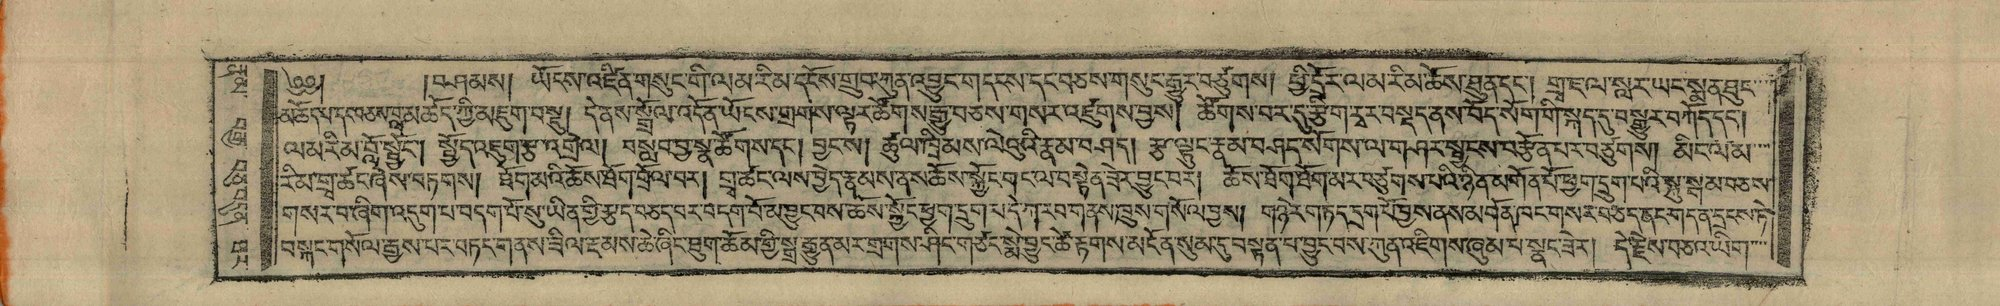༄༅། །བཤམས། ཡོངས་འཛིན་གསུང་གི་ལམ་རིམ་དངོས་གྲུབ་ཀུན་འབྱུང་གདངས་དང་བཅས་གསུང་རྒྱུར་བཙུགས། ཕྱི་དྲོར་ལམ་རིམ་ཆོས་ཐུན་དང་། གྲྭ་ཇ་ལ་སླར་ཡང་སྨན་ཐུང་
མཆོད་པ་དང་བཅས་བླ་མཆོད་ཀྱི་མཇུག་བསྡུ། དེ་ནས་སྒྲོལ་འདོན་ཡོངས་གྲགས་ལྟར་ཚོགས་རྒྱུ་བཅས་གསར་འཛུགས་བྱས། ཚོགས་པར་དུ་རྩིག་རྭར་བསྡད་ནས་བོད་སོག་གི་སྐད་དུ་བསྒྱུར་བཀོད་དང་།
ལམ་རིམ་བློ་སྦྱོང་། སྤྱོད་འཇུག་རྩ་འགྲེལ། བསླབ་བྱ་སྣ་ཚོགས་དང་། བྱང་ས། ཚུལ་ཁྲིམས་ལེའུའི་རྣམ་བཤད། རྩ་ལྟུང་རྣམ་བཤད་སོགས་ལ་གཤར་སྦྱངས་བརྩོན་པར་བཙུགས། མིང་ལམ་
རིམ་གྲྭ་ཚང་ཞེས་བཏགས། ཐོག་མའི་ཆོས་ཐོག་གྲོལ་བར། གྲྭ་ཚང་ལས་བྱེད་རྣམས་ནས་ཆོས་སྐྱོང་གང་ལ་བསྟེན་ཟེར་བྱུང་བར། ཆོས་ཐོག་ཐོག་མར་བཙུགས་པའི་ཉིན་མགོན་པོ་ཕྱག་དྲུག་པའི་སྐུ་སྒམ་བཅས་
གསར་པ་ཞིག་འདུག་པ་བདག་པོ་སུ་ཡིན་གྱི་རྩད་བཅད་བར་བདག་པོ་མ་བྱུང་བས་ཆོས་སྐྱོང་ཕྱག་དྲུག་པ་དེ་ཀ་རབ་གནས་ཁྲུས་གསོལ་བྱས། གཉེར་གཏད་དྲག་པོ་བྱས་ནས་མགོན་ཁང་གསར་བཅད་ནང་གདན་དྲངས་ཏེ་
བསྐང་གསོལ་རྒྱས་པར་བཏང་གནས་ཟིལ་རྔམས་ཆེ་ཞིང་ཐུག་ཆོམ་གྱི་སྒྲ་རྒྱུན་མར་གྲགས་ཤིང་གཙང་སྨེ་བྱུང་ཚེ་རྟགས་མངོན་སུམ་དུ་བསྟན་པ་བྱུང་བས་ཀུན་འཇིགས་ཞུམ་པ་སྣང་ཟེར། དེ་རྗེས་བཅའ་ཡིག་